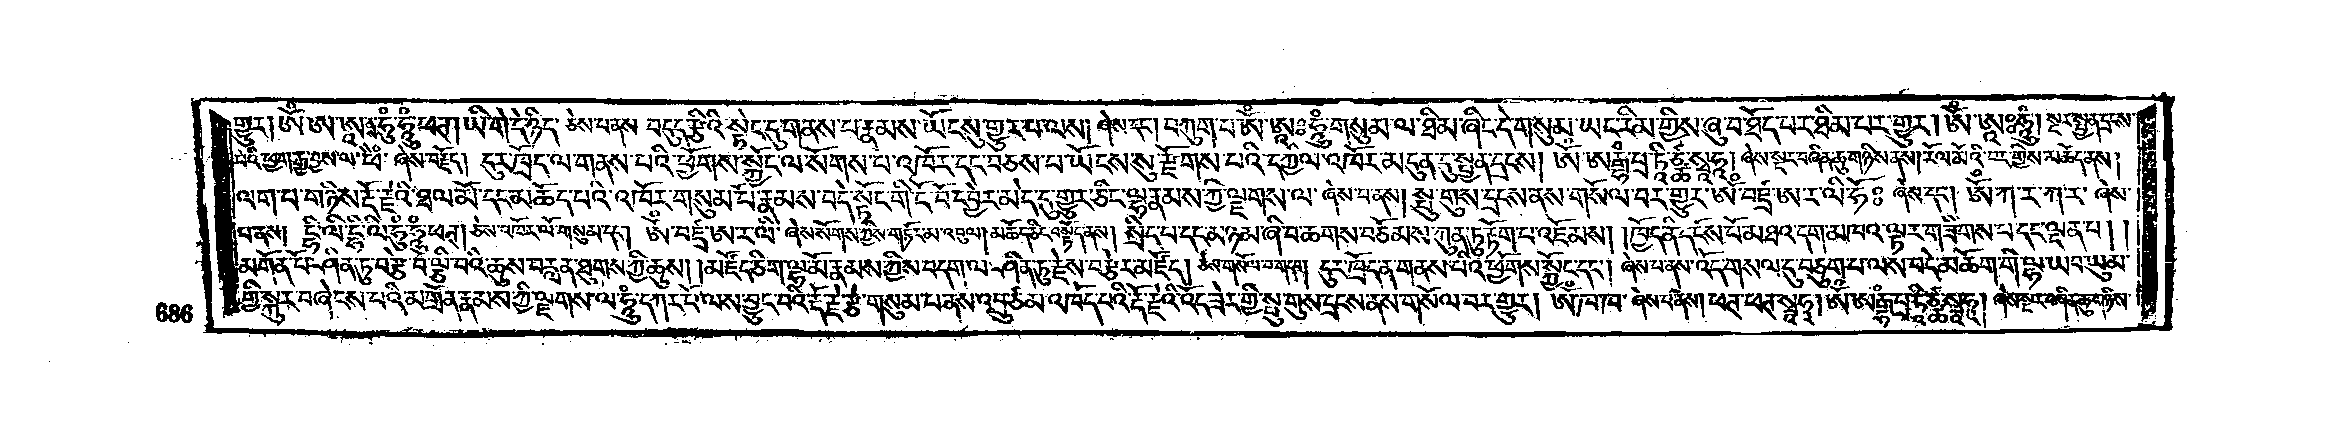གྱུར། ཨོཾ་ཨ་ཨཱ་ནས་ཧུཾ་ཧཱུཾ་ཕཊ། ཡི་གེ་དེ་ཉིད་ཅེས་པ་ནས།  བདུད་རྩིའི་སྟེང་དུ་གནས་པ་རྣམས་ཡོངས་སུ་གྱུར་པ་ལས། ཞེས་དང་།  བཀུག་པ་ཨོཾ་ཨཱཿ ཧཱུཾ་གསུམ་ལ་ཐིམ་ཞིང་དེ་གསུམ་ཡང་རིམ་གྱིས་ཞུ་བ་ཐོད་པར་ཐིམ་པར་གྱུར། ཨོཾ་ཨཱཿ ཧཱུཾ། སྔར་སྤྱན་དྲངས་
པའི་ཕྱག་རྒྱ་བྱས་ལ་ཕཻཾ་ཞེས་བརྗོད།  དུར་ཁྲོད་ལ་གནས་པའི་ཕྱོགས་སྐྱོང་ལ་སོགས་པ་འཁོར་དང་བཅས་པ་ཡོངས་སུ་རྫོགས་པའི་དཀྱིལ་འཁོར་མདུན་དུ་སྤྱན་དྲངས། ཨོཾ་ཨརྒྷཾ་པྲ་ཏཱི་ཙྪ་སྭཱཧཱ། ཞེས་སྔར་བཞིན་ཆུ་གཉིས་ནས། རོལ་མོའི་བར་གྱིས་མཆོད་ནས།
ལག་པ་གཉིས་རྡོ་རྗེའི་ཐལ་མོ་དང་མཆོད་པའི་འཁོར་གསུམ་པོ་རྣམས་བདེ་སྟོང་གི་ངོ་བོ་དབྱེར་མེད་དུ་གྱུར་ཅིང་ལྷ་རྣམས་ཀྱི་ལྗགས་ལ་ཞེས་པ་ནས།  སྤུ་གུས་དྲངས་ནས་གསོལ་བར་གྱུར་ཨོཾ་བཛྲ་ཨ་ར་ལི་ཧོཿ ཞེས་དང་།  ཨོཾ་ཀ་ར་ཀ་ར་ཞེས་
པ་ནས། དྷི་ལི་དྷི་ལི་ཧུཾ་ཧཱུཾ་ཕཊ། ཅེས་འཁོར་ལོ་གསུམ་དང་།  ཨོཾ་བཛྲ་ཨ་ར་ལི་ཞེས་སོགས་ཀྱིས་གཏོར་མ་འབུལ། མཆོད་ཅིང་བསྟོད་ནས།  སྲིད་པ་དང་མཉམ་ཞི་བ་ཆགས་བཅོམས་ཀུན་ཏུ་རྟོག་པ་འཇོམས། །ཁྱོད་ནི་དངོས་པོ་མཐའ་དག་མཁའ་ལྟར་གཟིགས་པ་དང་ལྡན་པ། །
མགོན་པོ་ཤིན་ཏུ་བརྩེ་བ་ལྕི་བའི་ཆུས་བརླན་ཐུགས་ཀྱི་ཆུས། །མཛོད་ཅིག་ལྷ་མོ་རྣམས་ཀྱིས་བདག་ལ་ཤིན་ཏུ་རྗེས་བརྩེར་མཛོད། ཅེས་གསོལ་བ་གདབ།  དུར་ཁྲོད་ན་གནས་པའི་ཕྱོགས་སྐྱོང་དང་། ཞེས་པ་ནས་འོད་གསལ་དུ་བཅུག་པ་ལས་བདེ་མཆོག་གི་ལྷ་ཡབ་ཡུམ་
གྱི་སྐུར་བཞེངས་པའི་མགྲོན་རྣམས་ཀྱི་ལྗགས་ལ་ཧཱུཾ་དཀར་པོ་ལས་བྱུང་བའི་རྡོ་རྗེ་རྩེ་གསུམ་པ་ནས་འབྲུ་ཙམ་འཁོད་པའི་རྡོ་རྗེའི་འོད་ཟེར་གྱི་སྤུ་གུས་དྲངས་ནས་གསོལ་བར་གྱུར། ཨོཾ་ཁ་ཁ་ཞེས་པ་ནས།  ཕཊ་ཕཊ་སྭཱཧཱ། ཨོཾ་ཨརྒྷཾ་པྲ་ཏཱི་ཙྪ་སྭཱཧཱ། ཞེས་སྔར་བཞིན་ཆུ་གཉིས་